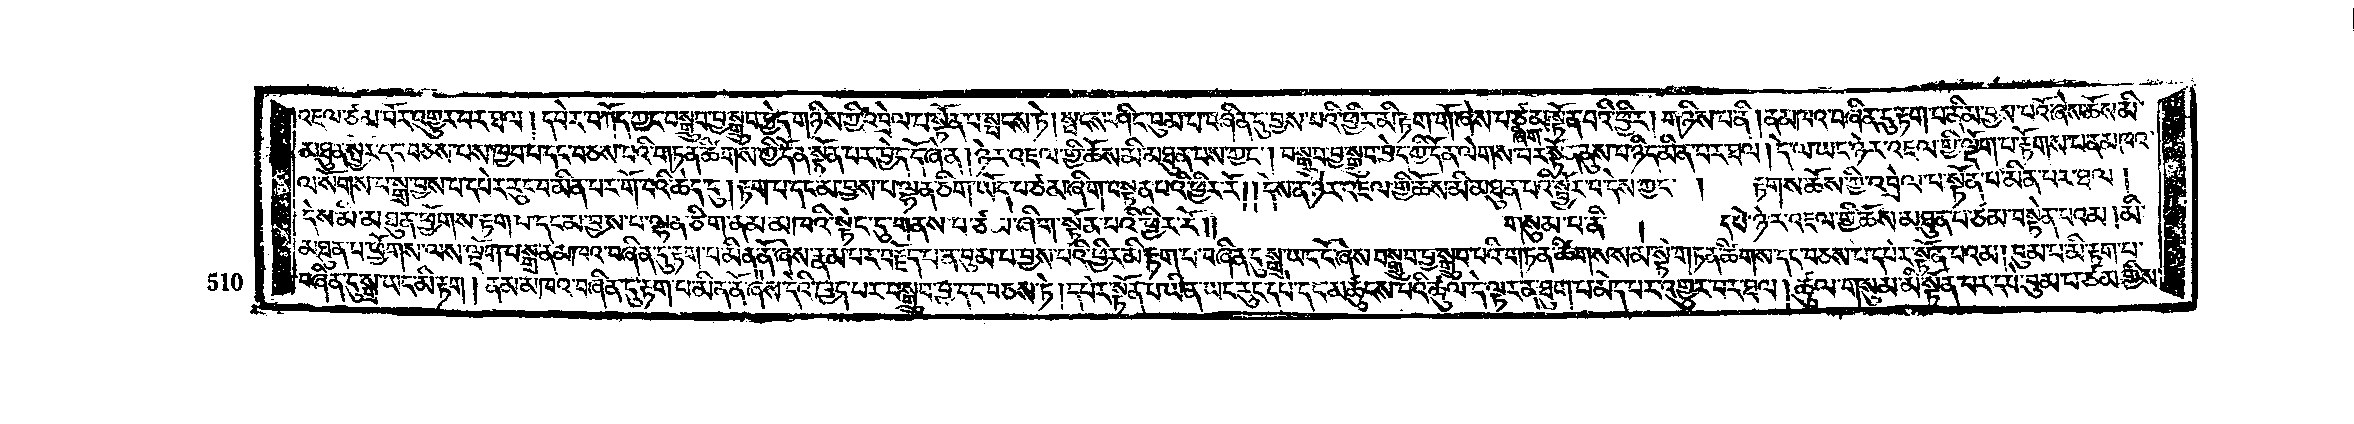འཇལ་ཙམ་པོར་འགྱུར་བར་ཐལ། དཔེར་བཀོད་ཀྱང་བསྒྲུབ་བྱ་སྒྲུབ་བྱེད་གཉིས་ཀྱི་འབྲེལ་བ་སྟོན་པ་སྤངས་ཏེ། སྤངས་ཤིང་བུམ་པ་བཞིན་དུ་བྱས་པའི་ཕྱིར་མི་རྟག་གོ་ཞེས་པ་ཙམ་ཞིག་སྟོན་པའི་ཕྱིར། གཉིས་པ་ནི། ནམ་མཁའ་བཞིན་དུ་རྟག་པ་ནི་མ་བྱས་པའོ་ཞེས་ཆོས་མི་
མཐུན་སྦྱོར་དང་བཅས་པས་ཁྱབ་པ་དང་བཅས་པའི་གཏན་ཚིགས་ཀྱི་དོན་སྟོན་པར་བྱེད་དོ་ཞེ་ན། ཉེར་འཇལ་གྱི་ཆོས་མི་མཐུན་པས་ཀྱང་། བསྒྲུབ་བྱ་སྒྲུབ་བྱེད་ཀྱི་དོན་ལེགས་པར་སྟོན་ནུས་པ་ཉིད་མིན་པར་ཐལ། དེ་ལ་ཡང་ཉེར་འཇལ་གྱི་ལྡོག་པ་རྟོགས་པ་ནམ་མཁའ་
ལ་སོགས་པ་སྒྲ་བྱས་པ་དཔེར་རུང་བ་མིན་པར་གོ་བའི་ཆེད་དུ། རྟག་པ་དང་མ་བྱས་པ་ལྷན་ཅིག་ཡོད་པ་ཙམ་ཞིག་བསྟན་པའི་ཕྱིར་རོ། །དེས་ཉེར་འཇལ་གྱི་ཆོས་མི་མཐུན་པའི་སྦྱོར་བ་དེས་ཀྱང་། རྟགས་ཆོས་ཀྱི་འབྲལ་པ་སྟོན་པ་མིན་པར་ཐལ།
དེས་མི་མཐུན་ཕྱོགས་རྟག་པ་དང་མ་བྱས་པ་ལྷན་ཅིག་ནམ་མཁའི་སྟེང་དུ་གནས་པ་ཙམ་ཞིག་སྟོན་པའི་ཕྱིར་རོ།། །།གསུམ་པ་ནི། དཔེ་ཉེར་འཇལ་གྱི་ཆོས་མཐུན་པ་ཙམ་བསྟེན་པའམ། མི་
མཐུན་པ་ཕྱོགས་ལས་ལྡོག་པ་སྒྲ་ནམ་མཁའ་བཞིན་དུ་རྟག་པ་མིན་ནོ་ཞེས་རྣམ་པར་བྗོད་པ་ན་བུམ་པ་བྱས་པའི་ཕྱིར་མི་རྟག་པ་བཞིན་དུ་སྒྲ་ཡང་ངོ་ཞེས་བསྒྲུབ་བྱ་སྒྲུབ་པའི་གཏན་ཚིགས་སམ་སྟེ་གཏན་ཚིགས་དང་བཅས་པ་དཔེར་སྟོན་པའམ། བུམ་པ་མི་རྟག་པ་
བཞིན་དུ་སྒྲ་ཡང་མི་རྟག །ནམ་མཁའ་བཞིན་དུ་རྟག་པ་མིན་ནོ་ཞེས་དེའི་ཁྱད་པར་བསྒྲུབ་བྱ་དང་བཅས་ཏེ། དཔེར་སྟོན་པ་ཡིན་ཡང་རུང་དཔེ་དང་མཚུངས་པའི་ཚུལ་དེ་ལྟར་ན་ཐུག་པ་མེད་པར་འགྱུར་བར་ཐ། །ཚུལ་གསུམ་མི་སྟོན་པར་དཔེ་བུམ་པ་ཙམ་གྱིས་